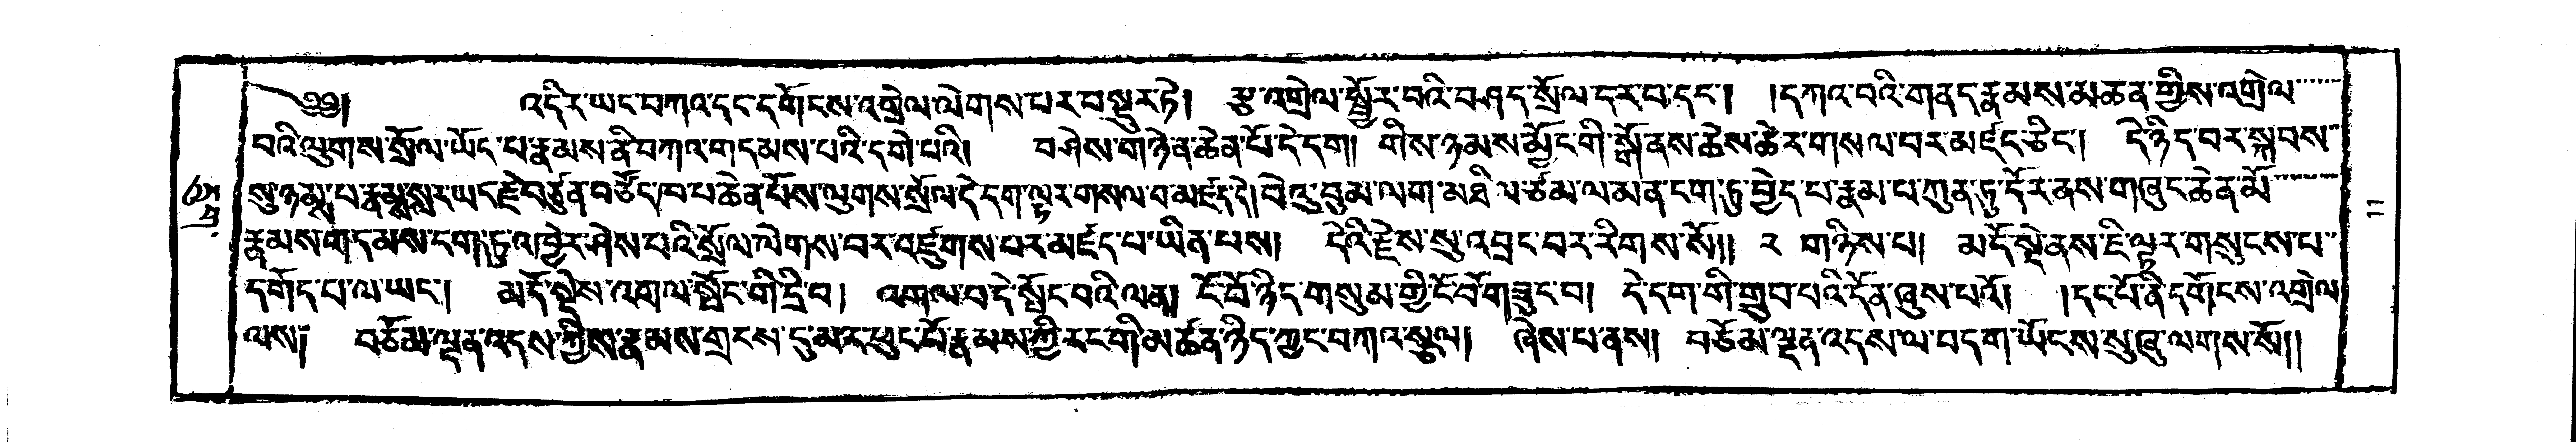༄༅། །འདིར་ཡང་བཀའ་དང་དགོངས་འགྲེལ་ལེགས་པར་བསྡུར་ཏེ། རྩ་འགྲེལ་སྦྱོར་བའི་བཤད་སྲོལ་དར་བ་དང་། །དཀའ་བའི་གནད་རྣམས་མཆན་གྱིས་འགྲེལ་
བའི་ལུགས་སྲོལ་ཡོད་པ་རྣམས་ནི་བཀའ་གདམས་པའི་དགེ་བའི། བཤེས་གཉེན་ཆེན་པོ་དེ་དག །གིས་ཉམས་མྱོང་གི་སྒོ་ནས་ཆེས་ཆེར་གསལ་བར་མཛད་ཅིང་། དེ་ཉིད་བར་སྐབས་
སུ་ཉམས་པ་རྣམས་སླར་ཡང་རྗེ་བཙུན་བཙོང་ཁ་པ་ཆེན་པོས་ལུགས་སྲོལ་དེ་དག་ལྟར་གསལ་བ་མཛད་དེ། བེའུ་བུམ་ལག་མཐིལ་ཙམ་ལ་མན་ངག་ཏུ་བྱེད་པ་རྣམ་པ་ཀུན་ཏུ་དོར་ནས་གཞུང་ཆེན་མོ་
རྣམས་གདམས་ངག་ཏུ་འཁྱེར་ཤེས་པའི་སྲོལ་ལེགས་པར་འཛུགས་པར་མཛད་པ་ཡིན་པས། དེའི་རྗེས་སུ་འབྲང་བར་རིགས་སོ།། ༢་གཉིས་པ། མདོ་སྡེ་ནས་ཇི་ལྟར་གསུངས་པ་
དགོད་པ་ལ་ཡང་། མདོ་སྡེས་འགལ་སྤོང་གི་དྲི་བ། འགལ་བ་དེ་སྤོང་བའི་ལན། ངོ་བོ་ཉིད་གསུམ་གྱི་ངོ་བོ་གཟུང་བ། དེ་དག་གི་གྲུབ་པའི་དོན་ཞུས་པའོ། །དང་པོ་ནི་དགོངས་འགྲེལ་
ལས། བཅོམ་ལྡན་འདས་ཀྱིས་རྣམས་གྲངས་དུ་མར་ཕུང་པོ་རྣམས་ཀྱི་རང་གི་མཚན་ཉིད་ཀྱང་བཀའ་སྩལ། ཞེས་པ་ནས། བཅོམ་ལྡན་འདས་ལ་བདག་ཡོངས་སུ་ཞུ་ལགས་སོ། །